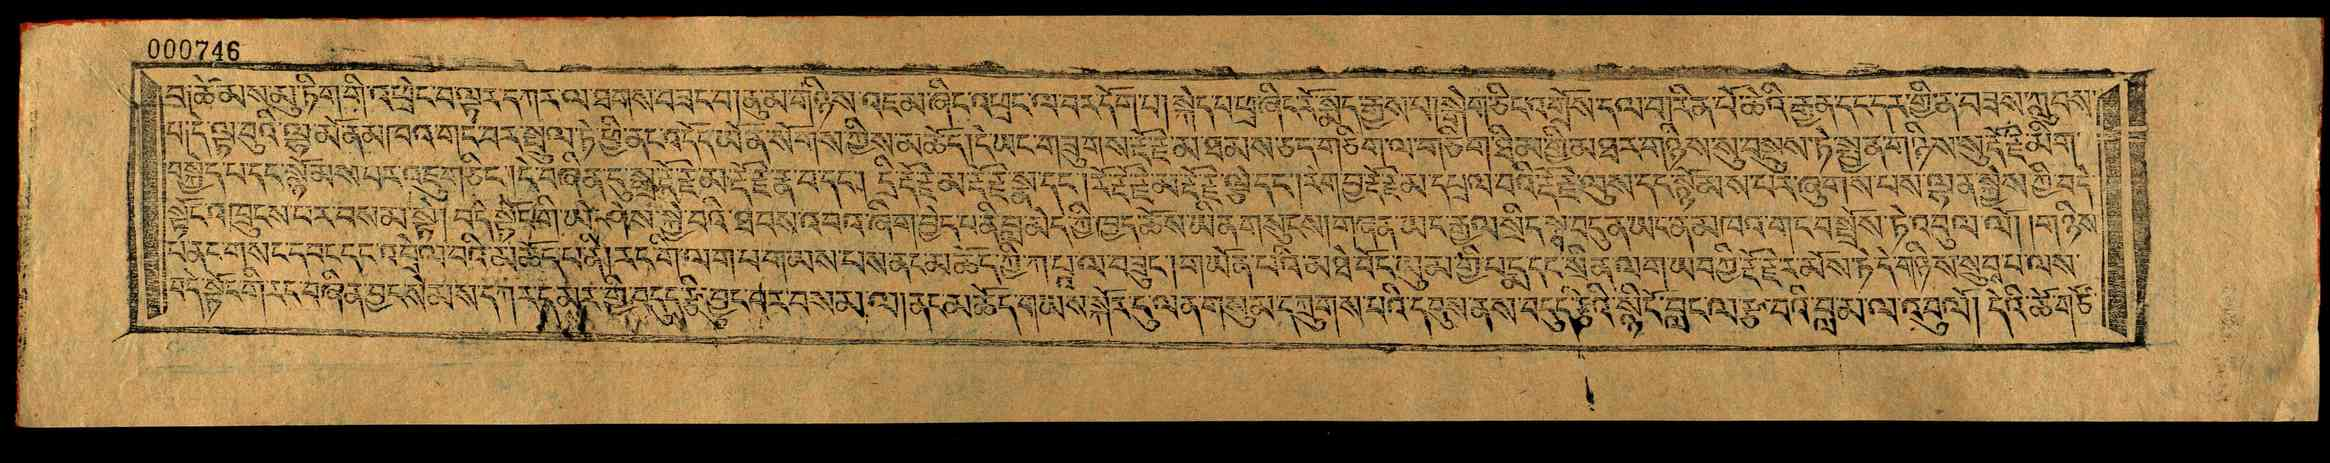པ༑ ཚེམས་མུ་ཏིག་གི་འཕྲེང་བ་ལྟར་དཀར་ལ་ཐགས་བཟང་བ། ནུ་མ་གཉིས་འཇམ་ཞིང་འཁྲང་ལ་བར་དོག་པ། སྐེད་པ་ཕྲ་ཞིང་རོ་སྨད་རྒྱས་པ། སྒེག་ཅིང་འགྲོས་དལ་བ། རིན་པོ་ཆེའི་རྒྱན་དང་དར་གྱི་ན་བཟས་ཀླུབས་
པ༑ དེ་ལྟ་བའི་ལྷ་མོ་ནམ་མཁའ་གང་བར་སྤྲུལ་ཏེ་ཕྱི་ནང་འདོད་ཡོན་སོགས་ཀྱིས་མཆོད། དེ་ཡང་གཟུགས་རྡོ་རྗེ་མ་ཐམས་ཅད་གཅིག་ལ་གཅིག་ཐིམ་གྱི་མཐར་གཉིས་སུ་བསྡུས་ཏེ་སྤྱན་གཉིས་སུ་རྡོ་རྗེ་མིག་
བསྐྱེད་པ་དང་སྙོམས་པར་འཇུག་ཅིང་། དེ་བཞིན་དུ་སྒྲ་རྡོ་རྗེ་མ་རྡོ་རྗེ་རྣ་བ་དང་། དྲི་རྡོ་རྗེ་མ་རྡོ་རྗེ་སྣ་དང་། རོ་རྡོ་རྗེ་མ་རྡོ་རྗེ་ལྕེ་དང་། རེག་བྱ་རྡོ་རྗེ་མ་དཔྲལ་བའི་རྡོ་རྗེ་ལུས་དེར་སྙོམས་པར་ཞུགས་པས་ལྷན་སྐྱེས་ཀྱི་བདེ་
སྟོང་འཁྲུངས་བར་བསམ་སྟེ། བདེ་སྟོང་གི་ཡེ་ཤེས་སྐྱེ་བའི་ཐབས་འབའ་ཞིག་བྱེད་པ་ནི་བླ་མེད་ཀྱི་ཁྱད་ཆོས་ཡིན་གསུངས། གཞན་ཡང་རྒྱལ་སྲིད་སྣ་བདུན་ཡང་ནམ་མཁའ་གང་བ་སྤྲོས་ཏེ་འབུལ་ལོ། །གཉིས་
པ་ནང་གསང་དབང་དང་འབྲེལ་བའི་མཆོད་པ་ནི། རང་གི་ལག་པ་གཡས་པས་ནང་མཆོད་ཀྱི་ཀ་པཱ་ལ་བཟུང་། གཡོན་པའི་མཐེ་བོང་ཡུམ་གྱི་པདམ་དང་སྲིན་ལག་ཡབ་ཀྱི་རྡོ་རྗེར་མོས་ཏེ་དེ་གཉིས་སྲུབས་པ་ལས་
བདེ་སྟོང་གི་རང་བཞིན་བྱང་སེམས་དཀར་དམར་གྱི་བདུད་རྩི་བྱུང་བར་བསམ་ལ། ནང་མཆོད་གཡས་སྐོར་དུ་ལན་གསུམ་དཀྲུགས་པའི་དབུས་ནས་བདུད་རྩིའི་སྙིང་པོ་བླང་ལ་རྩ་བའི་བླ་མ་ལ་འབུལ་ལོ། དེའི་ཚེ་གཙོ་